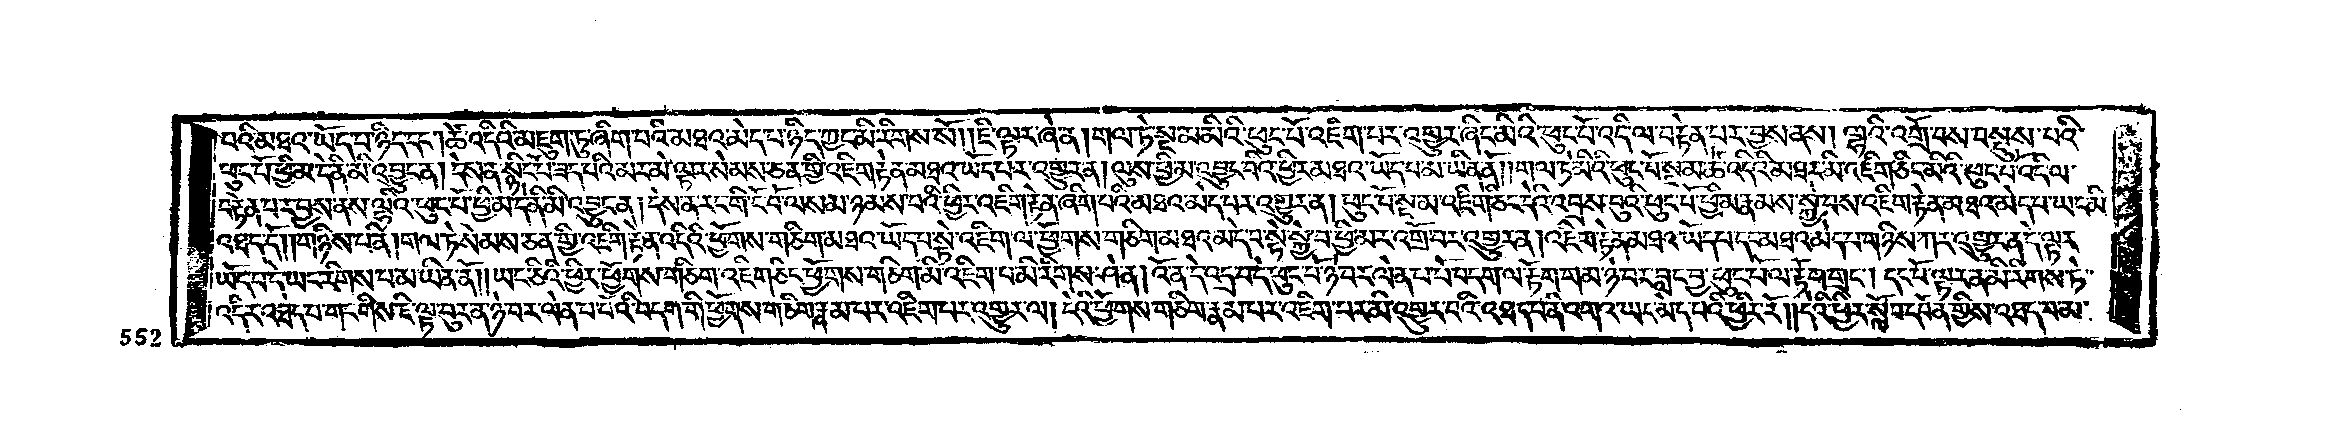པའི་མཐའ་ཡོད་པ་ཉིད་དང་། ཚེ་འདིའི་མཇུག་ཏུ་ཞིག་པའི་མཐའ་མེད་པ་ཉིད་ཀྱི་ཀྱང་མི་རིགས་སོ། །ཇི་ལྟར་ཞེ་ན། ག་ཏེ་སྔ་མ་མིའི་ཕུང་པོ་འཇིག་པར་འགྱུར་ཞིང་མིའི་ཕུང་པོ་འདི་ལ་བརྟེན་པར་བྱས་ནས། ལྷའི་འགྲོ་བས་བསྡུས་པའི་
ཕུང་པོ་ཕྱི་མ་དེ་ནི་མི་འབྱུང་ན། དེས་ན་སྙིང་པོ་ཟད་པའི་མར་མེ་ལྟར་སེམས་ཅན་གྱི་འཇིག་རྟེན་མཐའ་ཡོད་པར་འགྱུར་ན། ལུས་ཕྱི་མ་འབྱུང་བའི་ཕྱིར་མཐའ་ཡོད་པ་མ་ཡིན་ནོ། །གལ་ཏེ་མིའི་ཕུང་པོ་སྔ་མ་ཚེ་འདིའི་མཐར་མི་འཇིག་ཅིང་མིའི་ཕུང་པོ་འདི་ལ་
བརྟེན་པར་བྱས་ནས་ལྷའི་ཕུང་པོ་ཕྱི་མ་དེ་ནི་མི་འབྱུང་ན། དེས་ན་རང་གི་ངོ་བོ་ལས་མ་ཉམས་པའི་ཕྱིར་འཇིག་རྟེན་ཞིག་པའི་མཐའ་མེད་པར་འགྱུར་ན། ཕུང་པོ་སྔ་མ་འཇིག་རིང་དེའི་འབྲས་བུའི་ཕུང་པོ་ཕྱི་མ་རྣམས་ཀྱི་བས་འཇིག་རྟེན་མཐའ་མེད་པ་ཡང་མི་
འཐད་དོ། །གཉིས་པ་ནི། གལ་ཏེ་སེམས་ཅཎ་གྱི་འཇིག་རྟེན་འདིའོ་ཕྱོགས་གཅིག་མཐའ་ཡོད་པ་སྟེ་འཇིག་ལ་ཕྱོགས་གཅིག་མཐའ་མེད་པ་སྟེ་སྐྱེ་བ་ཕྱི་མར་འགྲོ་བར་འགྱུར་ན། འཇིག་རྟེན་མཐའ་ཡོད་པ་དང་མཐའ་མེད་པ་གཉིས་ཀར་འགྱུར་ན་དེ་ལྟར་
ཡོད་པ་དེ་ཡང་རིགས་པ་མ་ཡིན་ནོ། །ཡང་ཅིའི་ཕྱིར་ཕྱོགས་གཅིག་འཇིག་ཅིང་ཕྱོགས་གཅིག་མི་འཇིག་པ་མི་རིགས་ཤེ་ན། འོ་ན་དེ་འདྲ་བ་དེ་ཕུང་པོ་ཉེ་བར་ལེན་པ་པོ་བདག་ལ་རྟོག་གམ་ཉེ་བར་བླང་བྱ་ཕུང་པོ་ལ་རྟོག་གྲང་། དང་པོ་ལྟར་ན་མི་རིགས་ཏེ་
འདིར་འཐད་པ་གང་གིས་ཇི་ལྟ་བུར་ན་ཉེ་བར་ལེན་བ་པོའི་བདག་གི་ཕྱོགས་གཅིག་རྣམ་པར་འཇིག་པར་འགྱུར་ལ། དེའི་ཕྱོགས་གཅིག་རྣམ་པར་འཇིག་པར་མི་འགྱུར་པའི་འཐད་པ་ནི་འགའ་ཡང་མེད་པའི་ཕྱིར་རོ། །དེའི་ཕྱིར་སློབ་དཔོན་གྱིས་འཐད་པ་མ་